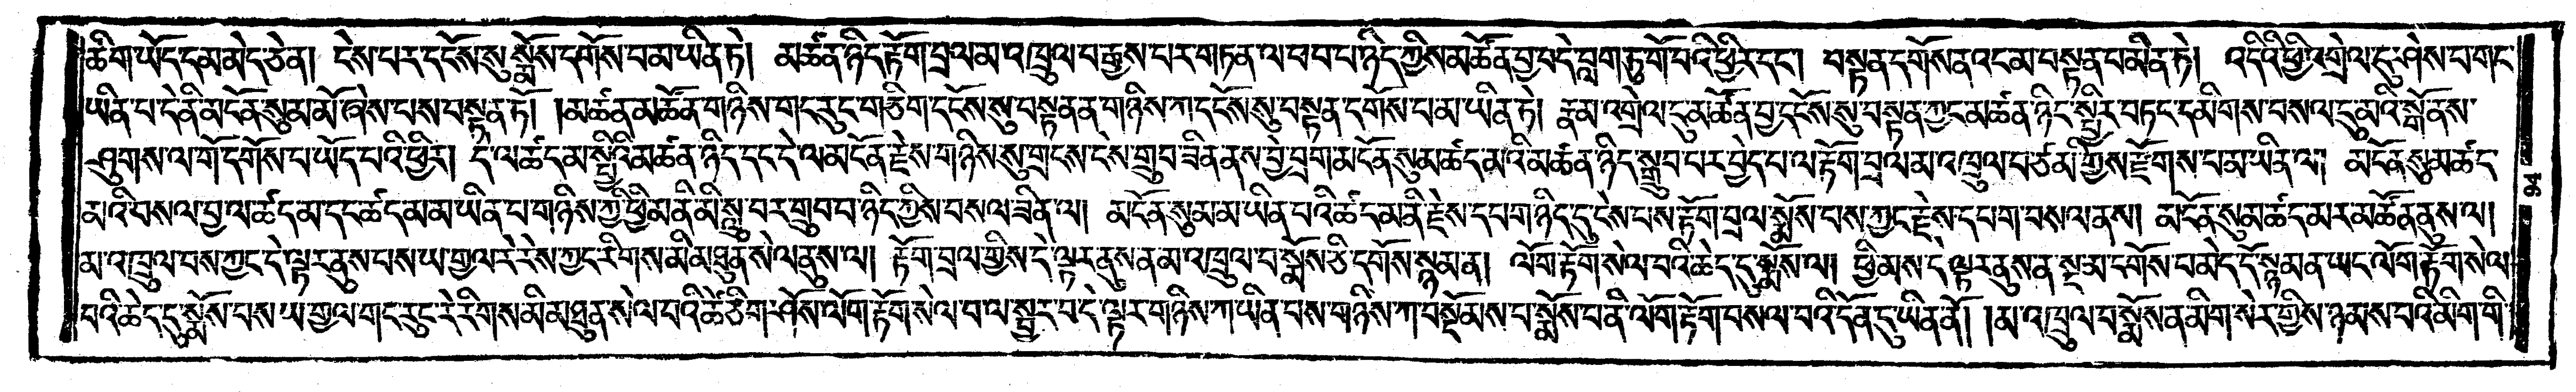ཚིག་ཡོད་དམ་མེད་ཅེ་ན། ངེས་པར་དངོས་སུ་སྨོས་དགོས་པ་མ་ཡིན་ཏེ། མཚན་ཉིད་རྟོག་བྲལ་མ་འཁྲུལ་བ་རྒྱས་པར་གཏན་ལ་ཕབ་པ་ཉིད་ཀྱིས་མཚོན་བྱ་བདེ་བླག་ཏུ་གོ་བའི་ཕྱིར་དང་། བསྟན་དགོས་ནའང་མ་བསྟན་པ་མིན་ཏེ། འདིའི་ཕྱི་འགྲེལ་དུ་ཤེས་པ་གང་
ཡིན་པ་དེ་ནི་མངོན་སུམ་མོ་ཞེས་པས་བསྟན་ཏོ། །མཚན་མཚོན་གཉིས་གང་རུང་གཅིག་དངོས་སུ་བསྟན་ན་གཉིས་ཀ་དངོས་སུ་བསྟན་དགོས་པ་མ་ཡིན་ཏེ། རྣམ་འགྲེལ་དུ་མཚོན་བྱ་དངོས་སུ་བསྟན་ཀྱང་མཚན་ཉིད་སྤྱིར་བཏང་དམིགས་བསལ་དུ་མའི་སྒོ་ནས་
ཤུགས་ལ་གོ་དགོས་པ་ཡོད་པའི་ཕྱིར། དེ་ལ་ཚད་མ་སྤྱིའི་མཚན་ཉིད་དང་དེ་ལ་མངོན་རྗེས་གཉིས་སུ་གྲངས་ངེས་གྲུབ་ཟིན་ནས་བྱེ་བྲག་མངོན་སུམ་ཚད་མའི་མཚན་ཉིད་སྒྲུབ་པར་བྱེད་པ་ལ་རྟོག་བྲལ་མ་འཁྲུལ་པ་ཙམ་གྱིས་རྫོགས་པ་མ་ཡིན་ལ། མངོན་སུམ་ཚད་
མའི་བསལ་བྱ་ལ་ཚད་མ་དང་ཚད་མ་མ་ཡིན་པ་གཉིས་ཀྱི་ཕྱི་མ་ནི་མི་སླུ་བར་གྲུབ་པ་ཉིད་ཀྱིས་བསལ་ཟིན་ལ། མངོན་སུམ་མ་ཡིན་པའི་ཚད་མ་ནི་རྗེས་དཔག་ཉིད་དུ་ངེས་པས་རྟོག་བྲལ་སྨོས་པས་ཀྱང་རྗེས་དཔག་བསལ་ནས། མངོན་སུམ་ཚད་མར་མཚོན་ནུས་ལ།
མ་འཁྲུལ་བས་ཀྱང་དེ་ལྟར་ནུས་པས་ཡ་གྱལ་རེ་རེས་ཀྱང་རིགས་མི་མཐུན་སེལ་ནུས་ལ། རྟོག་བྲལ་གྱིས་དེ་ལྟར་ནུས་ན་མ་འཁྲུལ་བ་སྨོས་ཅི་དགོས་སྙམ་ན། ལོག་རྟོག་སེལ་བའི་ཆེད་དུ་སྨོས་ལ། ཕྱི་མས་དེ་ལྟར་ནུས་ན་སྔ་མ་དགོས་པ་མེད་དོ་སྙམ་ན་ཡང་ལོག་རྟོག་སེལ་
བའི་ཆེད་དུ་སྨོས་པས་ཡ་གྱལ་གང་རུང་རེ་རིགས་མི་མཐུན་སེལ་བའི་ཚེ་ཅིག་ཤོས་ལོག་རྟོག་སེལ་བ་ལ་སྦྱར་བ་དེ་ལྟར་གཉིས་ཀ་ཡིན་པས་གཉིས་ཀ་བསྡོམས་པ་སྨོས་པ་ནི་ལོག་རྟོག་བསལ་བའི་དོན་དུ་ཡིན་ནོ། །མ་འཁྲུལ་བ་སྨོས་ན་མིག་སེར་གྱིས་ཉམས་པའི་མིག་གི་